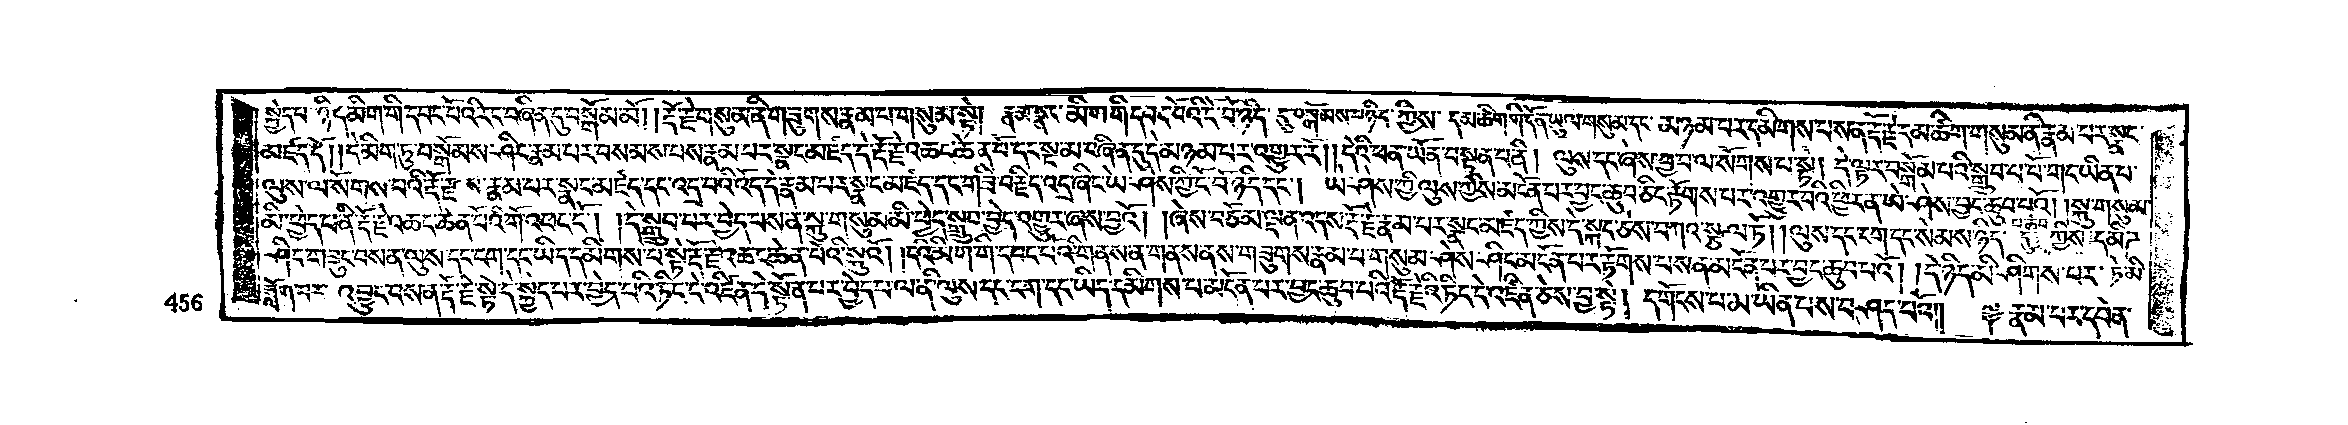སྐྱེད་པ་ཉིད་མིག་གི་དབང་པོའི་རང་བཞིན་དུ་བསྒོམ་མོ། །རྡོ་རྗེ་གསུམ་ནི་གཟུགས་རྣམ་པ་གསུམ་སྟེ། རྣམ་སྣང་མིག་གི་དབང་པོའི་ངོ་བོ་ཉིད་དུ་བསྒོམས་པ་ཉིད་ཀྱིས་དམ་ཚིག་གི་དོན་ཡུལ་གསུམ་དང་མཉམ་པར་དམིགས་པས་ན་རྡོ་རྗེ་དམ་ཚིག་གསུམ་ནི་རྣམ་པར་སྣང་
མཛད་དོ། །དེ་མིག་ཏུ་བསྒོམས་ཤིང་རྣམ་པར་བསམས་པས་རྣམ་པར་སྣང་མཛད་དེ་རྡོ་རྗེ་འཆང་ཆེན་པོ་དང་སྔ་མ་བཞིན་དུ་དེ་མཉམ་པར་འགྱུར་རོ། །དེའི་ཕན་ཡོན་བསྟན་པ་ནི། ལུས་དང་ཞེས་བྱ་བ་ལ་སོགས་པ་སྟེ། དེ་ལྟར་བསྒོམ་པའི་སྒྲུབ་པ་པོ་གང་ཡིན་པ་
ལུས་ལ་སོགས་པའི་རྡོ་རྗེས་རྣམ་པར་སྣང་མཛད་དང་འདྲ་བའི་འོད་དེ་རྣམ་པར་སྣང་མཛད་དང་གཟི་བརྗིད་འདྲ་ཞིང་ཡེ་ཤེས་ཀྱི་ངོ་བོ་ཉིད་དང་། ཡེ་ཤེས་ཀྱི་ལུས་ཀྱིས་མངོན་པར་བྱང་ཆུབ་ཅིང་རྟོགས་པར་འགྱུར་བའི་ཕྱིར་ན་ཡེ་ཤེས་བྱང་ཆུབ་པའོ། །སྐུ་གསུམ་
མི་ཕྱེད་པ་ནི་རྡོ་རྗེ་འཆང་ཆེན་པོའི་གོ་འཕང་ངོ། །དེ་སྒྲུབ་པར་བྱེད་པས་ན་སྐུ་གསུམ་མི་ཕྱེད་སྒྲུབ་བྱེད་འགྱུར་ཞེས་བྱའོ། །ཞེས་བཅོམ་ལྡན་འདས་རྡོ་རྗེ་རྣམ་པར་སྣང་མཛད་ཀྱིས་དེ་སྐད་ཅེས་བཀའ་སྩལ་ཏོ། །ལུས་དང་ངག་དང་སེམས་ཉིད་དུ་པ་ཚབ་དུ་ཀྱིས་དམིགས་
ཤིང་གཟུང་བས་ན་ལུས་དང་ངག་དང་ཡིད་དམིགས་པ་སྟེ་རྡོ་རྗེ་འཆང་ཆེན་པོའི་སྐུའོ། །དའི་མིག་གི་དབང་པོའི་གནས་ན་གནས་ནས་གཟུགས་རྣམ་པ་གསུམ་ཤེས་ཤིང་མངོན་པར་རྟོགས་པས་ན་མངོན་པར་བྱང་ཆུབ་པའོ། །དེ་ཉིད་མི་ཤིགས་པར་ཏེ་མི་
?་པར་འབྱུང་བས་ན་རྡོ་རྗེ་སྟེ་དེ་སྐྱེད་པར་བྱེད་པའི་ཏིང་ངེ་འཛིན་དེ་སྟོན་པར་བྱེད་པ་ལ་ནི་ལུས་དང་ངག་དང་ཡིད་དམིགས་པ་མངོན་པར་བྱང་ཆུབ་པའི་རྡོ་རྗེའི་ཏིང་ངེ་འཛིན་ཅེས་བྱ་སྟེ། དགོངས་པ་མ་ཡིན་པས་བཤད་པའོ།། ༈ རྣམ་པར་དབེན་